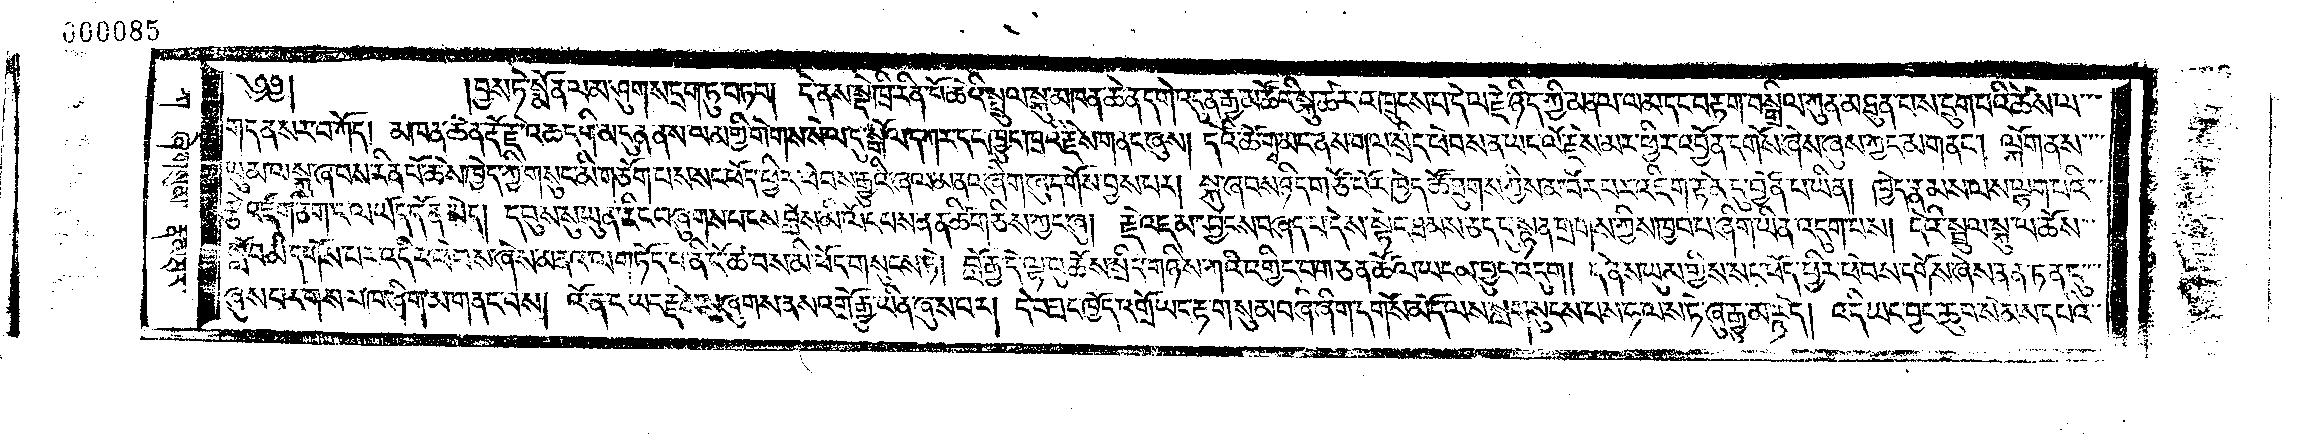༄༅། །བྱས་ཏེ་སྨོན་ལམ་ཤུགས་དྲག་ཏུ་བཏབ། དེ་ནས་སྡེ་ཁྲི་རིན་པོ་ཆེའི་སྤྲུལ་སྐུ་མཁན་ཆེན་དགེ་འདུན་རྒྱ་མཚོའི་སྐུ་ཚར་འཁྲུངས་པ་དེ་ལ་རྗེ་ཉིད་ཀྱི་མནལ་ལམ་དང་བརྟག་བསྒྲིལ་ཀུན་མཐུན་པས་དྲུག་པའི་ཚེས་ལ་
གདན་སར་བཀོད། མཁན་ཆེན་རྡོ་རྗེ་འཆང་གི་མདུན་ནས་ལམ་གྱི་གེགས་སེལ་དུ་སྒྲོལ་དཀར་དང་ཁྱུང་ཁྲའི་རྗེས་གནང་ཞུས། དེའི་ཚེ་གྲྭ་མང་ནས་གལ་སྲིད་ཕེབས་ན་ཡང་ལོ་རྗེས་མར་ཕྱིར་འབྱོན་དགོས་ཞེས་ཞུས་ཀྱང་མ་གནང་། ལྐོག་ནས་
ཡུམ་ལ་སྐུ་ཞབས་རིན་པོ་ཆེས་ཁྱེད་ཀྱི་གསུང་མི་གཅོག་པས་སང་ཕོད་ཕྱིར་ཕེབས་རྒྱུའི་ཞལ་མནའ་ཞིག་ཞུ་དགོས་བྱས་པར། སྐུ་ཞབས་ཉིད་གཙོ་བོར་ཁྱེད་ཚོ་ཐུགས་ཀྱིས་མ་བོར་པར་འཇིག་རྟེན་དུ་བྱོན་པ་ཡིན། ཁྱེད་རྣམས་ལས་ལྷག་པའི་
རྩི་འཇོག་ཅིག་ང་ལ་ཡོད་དོན་མེད། དབུས་སུ་ཡུན་རིང་བཞུགས་པ་ངས་བློས་མི་ལོངས་པས་ནན་ཚིག་ཅིས་ཀྱང་ཞུ། རྗེ་འཇམ་དབྱངས་བཞད་པ་དེ་ས་སྟེང་ཐམས་ཅད་དུ་སྙན་གྲགས་ཀྱིས་ཁྱབ་པ་ཞིག་ཡིན་འདུག་པས། དེའི་སྤྲུལ་སྐུ་ལ་ཆོས་
སློབ་མི་དགོས་པར་འདིར་ཕེབས་ཞེས་མནའ་ལ་གཏོད་པ་ནི་ངོ་ཚ་བས་མི་ཕོད་གསུངས་ཏེ། བློ་རྒྱ་དེ་ལྟ་བུ་ཆོས་སྲིད་གཉིས་ཀའི་འགྱིང་བག་ཅན་ཚོ་ལ་ཡང་མ་བྱུང་འདུག། དེ་ནས་ཡུམ་གྱིས་སང་ཕོད་ཕྱིར་ཕེབས་དགོས་ཞེས་ནན་ཏན་དུ་
ཞུས་པར་གསལ་ཁ་ཞིག་མ་གནང་བས། འོ་ན་ང་ཡང་རྗེས་སུ་ཞུགས་ནས་འགྲོ་རྒྱུ་ཡིན་ཞུས་པར། དེ་བཟང་ཁྱོད་འགྲོ་ཡང་རྟ་གསུམ་བཞི་ཞིག་དགོས་མོད་ལས་སླ་གསུངས་པས་ཧ་ལས་ཏེ་ཞུ་རྒྱུ་མ་རྙེད། འདི་ཡང་བྱང་ཆུབ་སེམས་དཔའི་